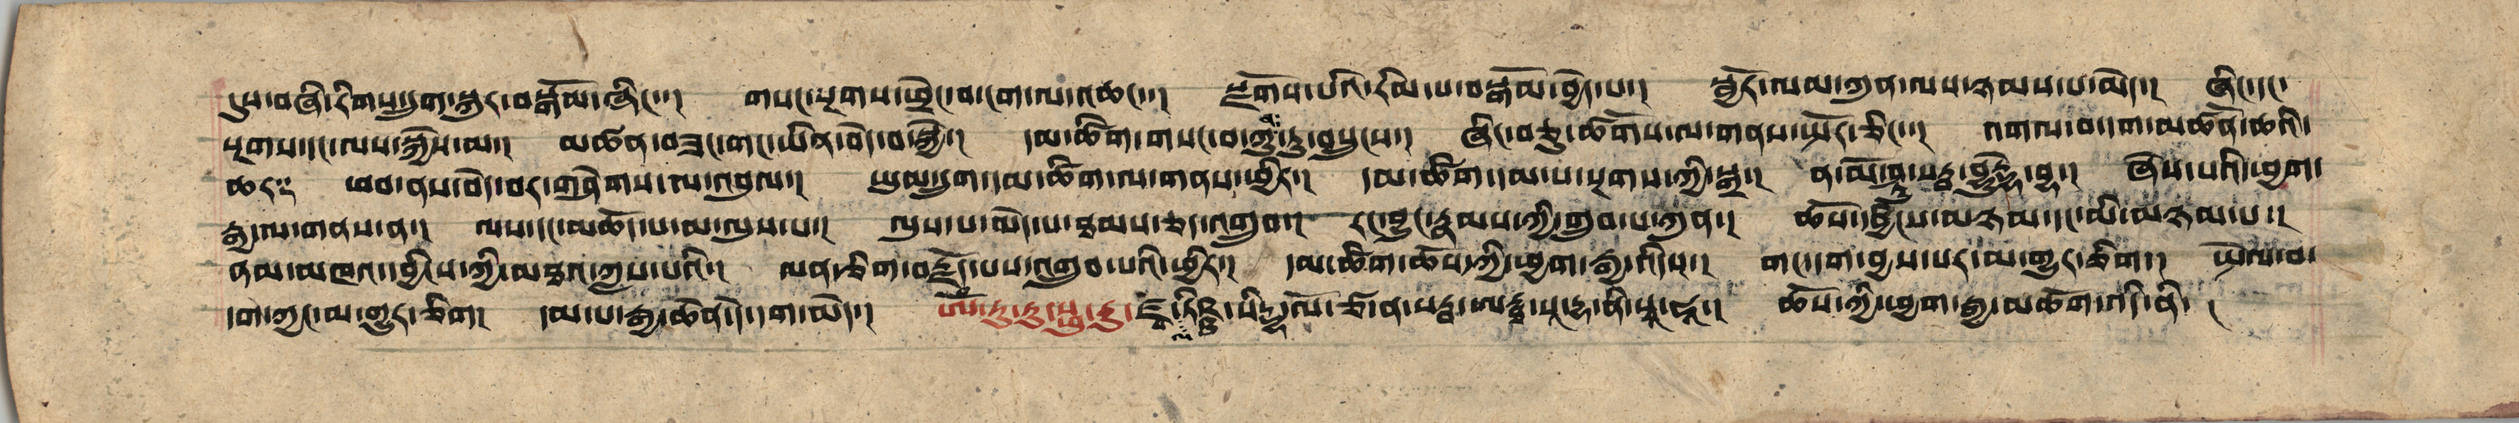དུས་བཞི་རིགས་དྲུག་སྐུར་བསྒོམ་ཞིང་་། གསང་སྔགས་ཕྲེང་བ་ངག་ལ་འཆང་་། སྫོགས་པའི་རིམ་པ་བསྒོམ་བྱེད་པ་། སྦྱོར་ལམ་ཀུན་ལས་ཉམས་པ་མེད་། ཞིང་དང་
སྔགས་དང་ལས་སྐྱེས་མ་། མཚན་བཟང་གང་ཡིན་བདེ་བ་སྐྱེ་། དམ་ཚིག་གསང་བ་ཀུན་ཏུ་བསྲུངས་། ཞིང་བཅུ་ཚོགས་ལ་གནས་སྤོར་ཅིང་་། འགལ་བ་དག་མཚོན་ཆའི་
ཆར༑ ཕབ་ནས་བདེ་བར་གཤེགས་ལ་འབུལ་། ཡུམ་དྲུག་དམ་ཚིག་ལ་གནས་ཕྱིར་། དམ་ཚིག་དམ་པ་སྔགས་ཀྱི་སྒྲ་། ན་མོ་ཤཱ་སརྦ་བྷུདྡྷེ་བྷ་། ཞེས་པའི་ཕྱག་
རྒྱ་ལ་གནས་ན་། ལས་དང་མཆོད་པ་མ་ལུས་པ་། ལུས་པ་མེད་པ་ཐམས་ཅད་འགྲུབ་། རང་བྱུང་རྣམས་ཀྱི་གྲུབ་པ་ཀུན་། ཆོས་དབྱིངས་མཉམ་དང་མི་མཉམ་པ་།
ནམ་མཁའ་དབྱིངས་ཀྱི་མཐའ་ཀླས་པའི་། ལན་ཅིག་བརྗོད་པས་འགྲུབ་པའི་ཕྱིར་། དམ་ཚིག་ཆོས་ཀྱི་ཕྱག་རྒྱ་འདིས་། གང་དག་བྱས་པར་མ་གྱུར་ཅིག་། སྤེལ་བ་
དག་ཀྱང་མ་གྱུར་ཅིག། དམ་པ་རྒྱ་ཆེན་དེ་དག་མེད་། ཨོཾ་རུ་རུ་སྥུ་རུ་ཛྭ་ལ་ཏིཥྛ་སིདྡྷ་ལོ་ཙ་ན་སརྦ་ཨརྠ་སཱ་དྷ་ནི་སྭཱ་ཧཱ་། ཆོས་ཀྱི་ཕྱག་རྒྱ་མཆོག་འདི་ནི་།